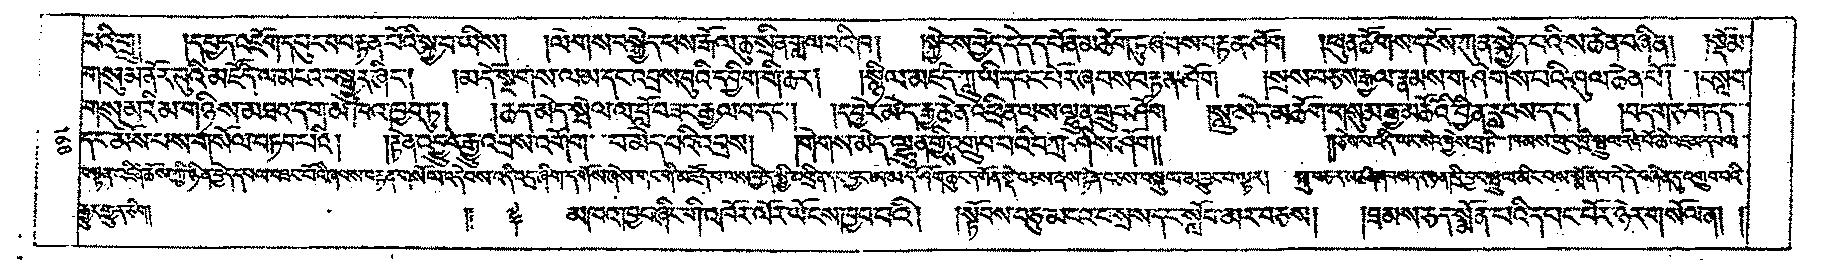པའི་གྲུ། །དཔྱད་འཇོག་དཔུང་བ་བརྟན་པོའི་སྐྱ་བ་ཡིས། །ལེགས་བསྐྱེད་ཕས་རྒོལ་ཆུ་སྲིན་གླལ་བའི་ཁ། །སྐྱེངས་བྱེད་དེད་དཔོན་མཆོག་ཏུ་ཞབས་བརྟན་ཤོག །ཕུན་ཚོགས་དངོས་ཀུན་སྐྱེད་པའི་ས་ཆེན་བཞིན། །སྡོམ་
གསུམ་ནོར་བུའི་མཛོད་ལ་མངའ་བསྒྱུར་ཞིང་། །མདོ་སྔགས་ལམ་དང་འབྲས་བུའི་དབྱིག་གི་ཆར། །སྙིལ་མཛད་ཀླུ་ཡི་དབང་པོར་ཞབས་བརྟན་ཤོག། །སྲས་བཅས་རྒྱལ་རྣམས་གཤེགས་པའི་ཤུལ་ཆེན་པོ། །བསླབ་
གསུམ་རིམ་གཉིས་མཐའ་དག་མཁའ་ཁྱབ་ཏུ། །ཆད་མེད་སྤེལ་ལ་བློ་བཟང་རྒྱལ་བ་དང་། །དབྱེར་མེད་རྒྱ་ཆེན་འཕྲིན་ལས་ལྷུན་གྲུབ་ཤོག །སླུ་མེད་མཆོག་གསུམ་རྒྱ་མཚོའི་བྱིན་རླབས་དང་། །བདག་ཅག་དད་
དང་མོས་པས་གསོལ་བཏབ་པའི། །རྟེན་འབྱུང་རྒྱུ་འབྲས་འགོག་པ་མེད་པའི་འབྲས། །གེགས་མེད་ལྷུན་གྱིས་འགྲུབ་པའི་བཀྲ་ཤིས་ཤོག ། །།ཅེས་པ་འདི་ཡང་སེར་བྱེས་བྲ་ཏི་ཁམས་ལུང་ཁྲི་སྤྲུལ་རིན་པོ་ཆེ་འཇམ་དཔལ་
བསྟན་འཛིན་ཆོས་ཀྱི་ཉིན་བྱེད་དཔལ་བཟང་པོའི་ཞབས་བརྟན་གསོལ་འདེབས་འདི་འདྲ་ཞིག་དགོས་ཞེས་གང་གི་མཛོད་པ་ལས་བྱེད་སྤྱི་མགྲིན་དང་བྱང་ཨ་མདོ་ཤོག་ཆུང་དགོན་སྡེ་བཅས་ནས་རྟེན་བཅས་བསྐུལ་མ་བྱུང་བ་ལྟར། སྐུ་བཅར་མཚན་ཞབས་དར་ཉན་ཁྲི་བྱང་སྤྲུལ་མིང་པས་སྨོན་པ་དེ་དེ་བཞིན་དུ་འགྲུབ་པའི་
རྒྱུར་གྱུར་ཅིག ། །། ༈ མཁའ་ཁྱབ་ཞིང་གི་འཁོར་ལོར་ཡོངས་ཁྱབ་པའི། །སྟོབས་བཅུ་མངའ་པ་སྲས་དང་སློབ་མར་བཅས། །ཐམས་ཅད་སྨོན་པའི་དབང་པོར་ཉེར་གསོལ་ན། །